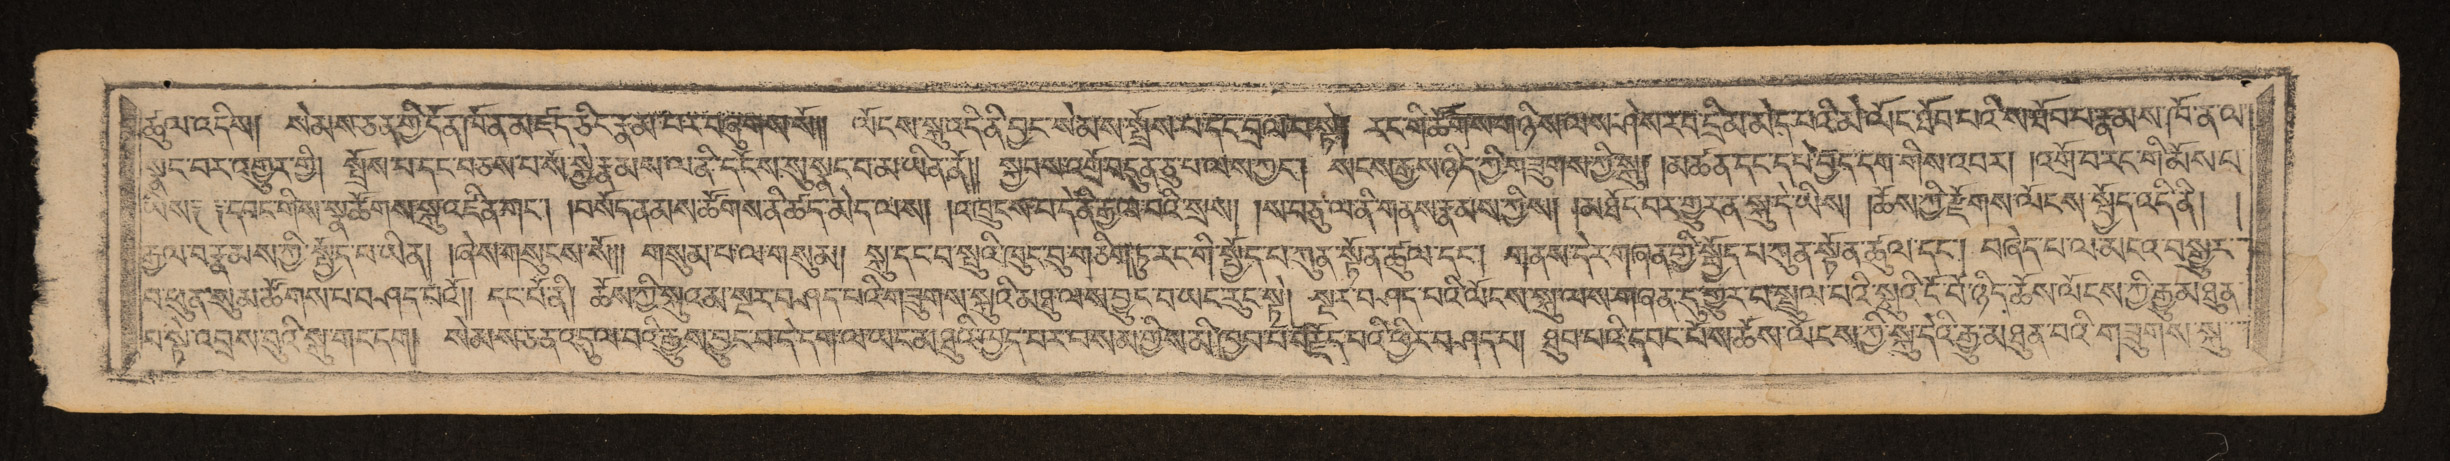ཚུལ་འདིས། སེམས་ཅན་གྱི་དོན་ཁོ་ན་མཛད་ཅིང་རྣམ་པར་བཞུགས་སོ།། ལོངས་སྐུ་འདི་ནི་བྱང་སེམས་སྤྲོས་པ་དང་བྲལ་བ་སྟེ། རང་གི་ཚོགས་གཉིས་ལས་ཤེས་རབ་དྲི་མ་མེད་པའི་མེ་ལོང་ཐོབ་པའི་ས་ཐོབ་པ་རྣམས་ཁོ་ན་ལ་
སྣང་བར་འགྱུར་གྱི། སྤྲོས་པ་དང་བཅས་པ་སོ་སྐྱེ་རྣམས་ལ་ནི་དངོས་སུ་སྣང་བ་མ་ཡིན་ནོ།། སྐྱབས་འགྲོ་བདུན་ཅུ་པ་ལས་ཀྱང་། སངས་རྒྱས་ཉིད་ཀྱི་གཟུགས་ཀྱི་སྐུ། །མཚན་དང་དཔེ་བྱད་དག་གིས་འབར། །འགྲོ་བ་རང་གི་མོས་པ་
ཡིས༑ ༑དབང་གིས་སྣ་ཚོགས་སྐུ་འཛིན་གང་། །བསོད་ནམས་ཚོགས་ནི་ཚད་མེད་ལས། །འཁྲུངས་པ་དེ་ནི་རྒྱལ་བའི་སྲས། །ས་བཅུ་ལ་ནི་གནས་རྣམས་ཀྱིས། །མཐོང་བར་གྱུར་ན་སྐུ་དེ་ཡིས། །ཆོས་ཀྱི་རྫོགས་ལོངས་སྤྱོད་འདི་ནི།།
རྒྱལ་བ་རྣམས་ཀྱི་སྤྱོད་པ་ཡིན། །ཞེས་གསུངས་སོ།། གསུམ་པ་ལ་གསུམ། སྐུ་དང་བ་སྤུའི་ཁུང་བུ་གཅིག་ཏུ་རང་གི་སྤྱོད་པ་ཀུན་སྟོན་ཚུལ་དང་། གནས་དེར་གཞན་གྱི་སྤྱོད་པ་ཀུན་སྟོན་ཚུལ་དང་། བཞེད་པ་ལ་མངའ་བསྒྱུར་
བ་ཕུན་སུམ་ཚོགས་པ་བཤད་པའོ།། དང་པོ་ནི། ཆོས་ཀྱི་སྐུའམ་སྔར་བཤད་པའི་གཟུགས་སྐུའི་མཐུ་ལས་བྱུང་བ་ཡང་རུང་སྟེ། སྔར་བཤད་པའི་ལོངས་སྐུ་ལས་གཞན་དུ་གྱུར་པ་སྤྲུལ་པའི་སྐུའི་ངོ་བོ་ཉིད་ཆོས་ལོངས་ཀྱི་རྒྱུ་མཐུན་
པ་སྟེ་འབྲས་བུའི་སྐུ་གང་དག། སེམས་ཅན་འདུལ་བའི་རྒྱུས་བྱུང་བ་དེ་དག་ལ་ཡང་མཐུའི་ཁྱད་པར་བསམ་གྱིས་མི་ཁྱབ་པ་བརྗོད་པའི་ཕྱིར་བཤད་པ། ཐུབ་པའི་དབང་པོས་ཆོས་ལོངས་ཀྱི་སྐུ་དེའི་རྒྱུ་མཐུན་པའི་གཟུགས་སྐུ་